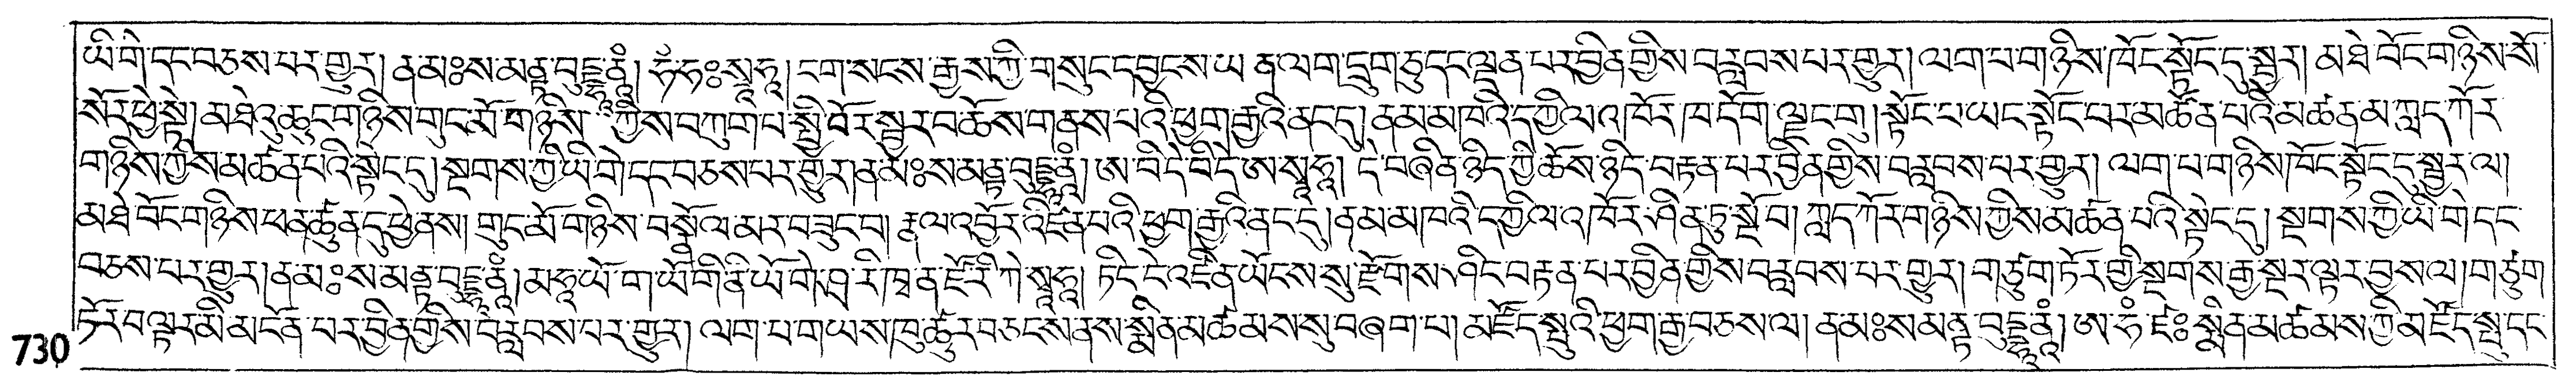ཡི་གེ་དང་བཅས་པར་གྱུར། ན་མཿ ས་མནྟ་བུདྡྷཱ་ནཱཾ། ཧཾ་ཧཿ སྭཱཧཱ། ངག་སངས་རྒྱས་ཀྱི་གསུང་དབྱངས་ཡན་ལག་དྲུག་ཅུ་དང་ལྡན་པར་བྱིན་གྱིས་བརླབས་པར་གྱུར། ལག་པ་གཉིས་ཁོང་སྟོང་དུ་སྦྱར། མཐེ་བོང་གཉིས་སོ་
སོར་ཕྱེ་སྟེ། མཐེའུ་ཆུང་གཉིས་གུང་མོ་གཉིས་ཀྱིས་བཀུག་པ་སྤྱི་བོར་སྦྱར་བ་ཆོས་གནས་པའི་ཕྱག་རྒྱའི་ནང་དུ། ནམ་མཁའི་དཀྱིལ་འཁོར་ཁ་དོག་ལྗང་གུ །སྟོང་པ་ཡང་སྟོང་པར་མཚོན་པའི་མཚན་མ་ཀླད་ཀོར་
གཉིས་ཀྱིས་མཚན་པའི་སྟེང་དུ། སྔགས་ཀྱི་ཡི་གེ་དང་བཅས་པར་གྱུར། ན་མཿ ས་མནྟ་བུདྡྷཱ་ནཱཾ། ཨ་བི་དེ་བི་དེ་ཨ་སྭཱཧཱ། དེ་བཞིན་ཉིད་ཀྱི་ཆོས་ཉིད་བརྟན་པར་བྱིན་གྱིས་བརླབས་པར་གྱུར། ལག་པ་གཉིས་ཁོང་སྟོང་དུ་སྦྱར་ལ།
མཐེ་བོང་གཉིས་ཕན་ཚུན་དུ་ཕྱེ་ནས། གུང་མོ་གཉིས་བསྣོལ་མར་བཟུང་བ། རྣལ་འབྱོར་འཛིན་པའི་ཕྱག་རྒྱའི་ནང་དུ། ནམ་མཁའི་དཀྱིལ་འཁོར་ཤིན་ཏུ་སྔོ་བ། ཀླད་ཀོར་གཉིས་ཀྱིས་མཚན་པའི་སྟེང་དུ། སྔགས་ཀྱི་ཡི་གེ་དང་
བཅས་པར་གྱུར། ན་མཿ ས་མནྟ་བུདྡྷཱ་ནཱཾ། མཧཱ་ཡོ་ག་ཡོ་གི་ནི་ཡོ་གེ་ཤྲ་རི་ཁྭ་ན་ཛོ་རི་ཀེ་སྭཱཧཱ། ཏིང་ངེ་འཛིན་ཡོངས་སུ་རྫོགས་ཤིང་བརྟན་པར་བྱིན་གྱིས་བརླབས་པར་གྱུར། གཙུག་ཏོར་གྱི་སྔགས་རྒྱ་སྔར་ལྟར་བྱས་ལ། གཙུག་
ཏོར་བལྟར་མི་མངོན་པར་བྱིན་གྱིས་བརླབས་པར་གྱུར། ལག་པ་གཡས་ཁུ་ཚུར་བཅངས་ནས་སྨིན་མཚམས་སུ་བཞག་པ། མཛོད་སྤུའི་ཕྱག་རྒྱ་བཅས་ལ། ན་མཿ ས་མནྟ་བུདྡྷཱ་ནཱཾ། ཨ་ཧཾ་ཛཿ སྨིན་མཚམས་ཀྱི་མཛོད་སྤུ་དང་